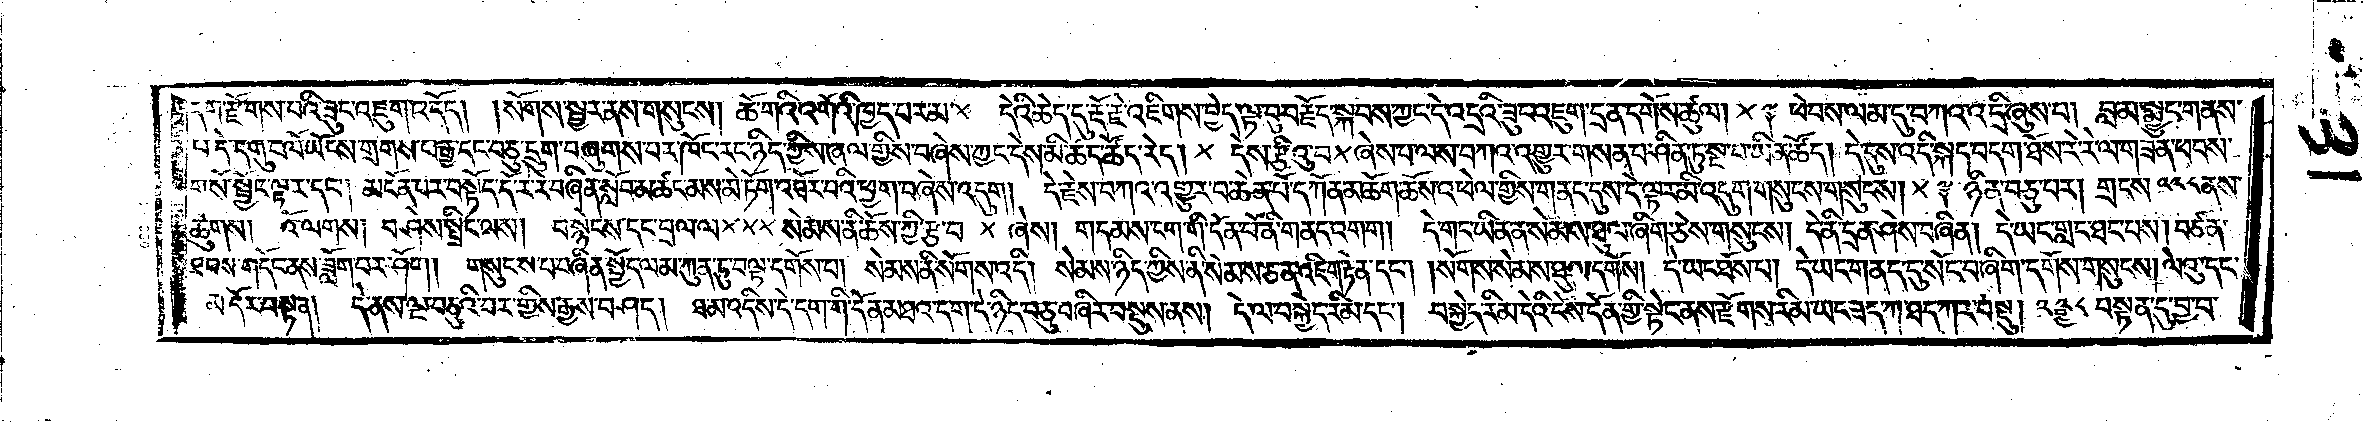དག་རྫོགས་པའི་ཟུང་འཇུག་འདོད། །སོགས་སྦྱར་ནས་གསུངས། ཆོ་གའི་འགོའི་ཁྱད་པར་མ྾་དེའི་ཆེད་དུ་རྡོ་རྗེ་འཇིགས་བྱེད་ལྟ་བུ་བརྗོད་སྐབས་ཀྱང་དེ་འདྲའི་ཟུང་འཇུག་དྲན་དགོས་ཚུལ། ྾་༈ཕེབས་ལམ་དུ་བཀའ་འདྲི་ཞུས་པ། བླ་མ་སྨྱུང་གནས་
བདེ་དགུ་བ་ལོ་ཡོངས་གྲགས་བརྒྱ་དང་བཅུ་དྲུག་བཞུགས་པར་ཁོང་རང་ཉིད་ཀྱིས་ཞལ་གྱིས་བཞེས་ཀྱང་དེས་མི་ཚད་ཚོད་རེད། ྾་དེས་རྩིའུ་བ྾་ཞེས་པ་ལས་བཀའ་འགྱུར་གསན་བ་ཤིན་ཏུ་སྔ་བ་ཡིན་ཚོད། དེ་དུས་འདི་སྐད་བདག་ཐོས་རེ་རེ་ལ་གཟན་ཕབས་
བསོ་སྦྱོང་ལྟར་དང་། མངོན་པར་བསྟོད་དོ་ར་རེ་བཞིན་སློབ་མཚང་མས་མེ་ཏོག་འཐོར་བའི་ཕྱག་བཞེས་འདུག། དེ་རྗེས་བཀའ་འགྱུར་བ་ཆེན་པོ་དཀོན་མཆོག་ཆོས་འཕེལ་གྱིས་གནང་དུས་དེ་ལྟར་མི་འདུག་གསུངས་གསུངས།྾་༈ ཉིན་བཅུ་བར། གྲངས ༢༢༨་ནས་
ཚུགས། འོ་ལགས། བཤེས་སྤྲིང་ལས། བསྙིངས་དང་བྲལ་ལ྾྾྾་སེམས་ནི་ཆོས་ཀྱི་རྩ་བ་྾་ཞེས། གདམས་ངག་གི་དོན་པོ་ནི་གནད་འགག། དེ་གང་ཡིན་ན་སེམས་ཐུལ་ཞིག་ཅེས་གསུངས། དེ་ནི་དྲན་ཤེས་བཞིན། དེ་ཡང་གླང་ཐང་བས། བཙན་
ཐབས་གདོང་ནས་ཟློག་བར་ཤོག། གསུངས་པ་བཞིན་སྤྱོད་ལམ་ཀུན་ཏུ་བལྟ་དགོས་པ། སེམས་ནི་སོགས་འདི། སེམས་ཉིད་ཀྱིས་ནི་སེམས་ཅན་འཇིག་རྟེན་དང་། །སོགས་སེམས་ཐུལ་དགོས། དེ་ཡང་ཐོས་པ། དེ་ཡང་གནད་དུ་སོང་བ་ཞིག་དགོས་གསུངས། ལེའུ་དང་
མདོར་བསྟན། དེ་ནས་ལྔ་བཅུའི་བར་གྱིས་རྒྱས་བཤད། ཐ་མ་འདིས་དེ་དག་གི་དོན་མཐའ་དག་དེ་ཉིད་བཅུ་བཞིར་བསྡུས་ནས། དེ་ལ་བསྐྱེད་རིམ་དང་། བསྐྱེད་རིམ་དེའི་ངོས་དོན་གྱི་སྟེང་ནས་རྫོགས་རིམ་ཡང་ཟད་ཀ་ཐད་ཀར་བསྡུ། ༢༢༨་བསྟན་དུ་བྱ་བ་